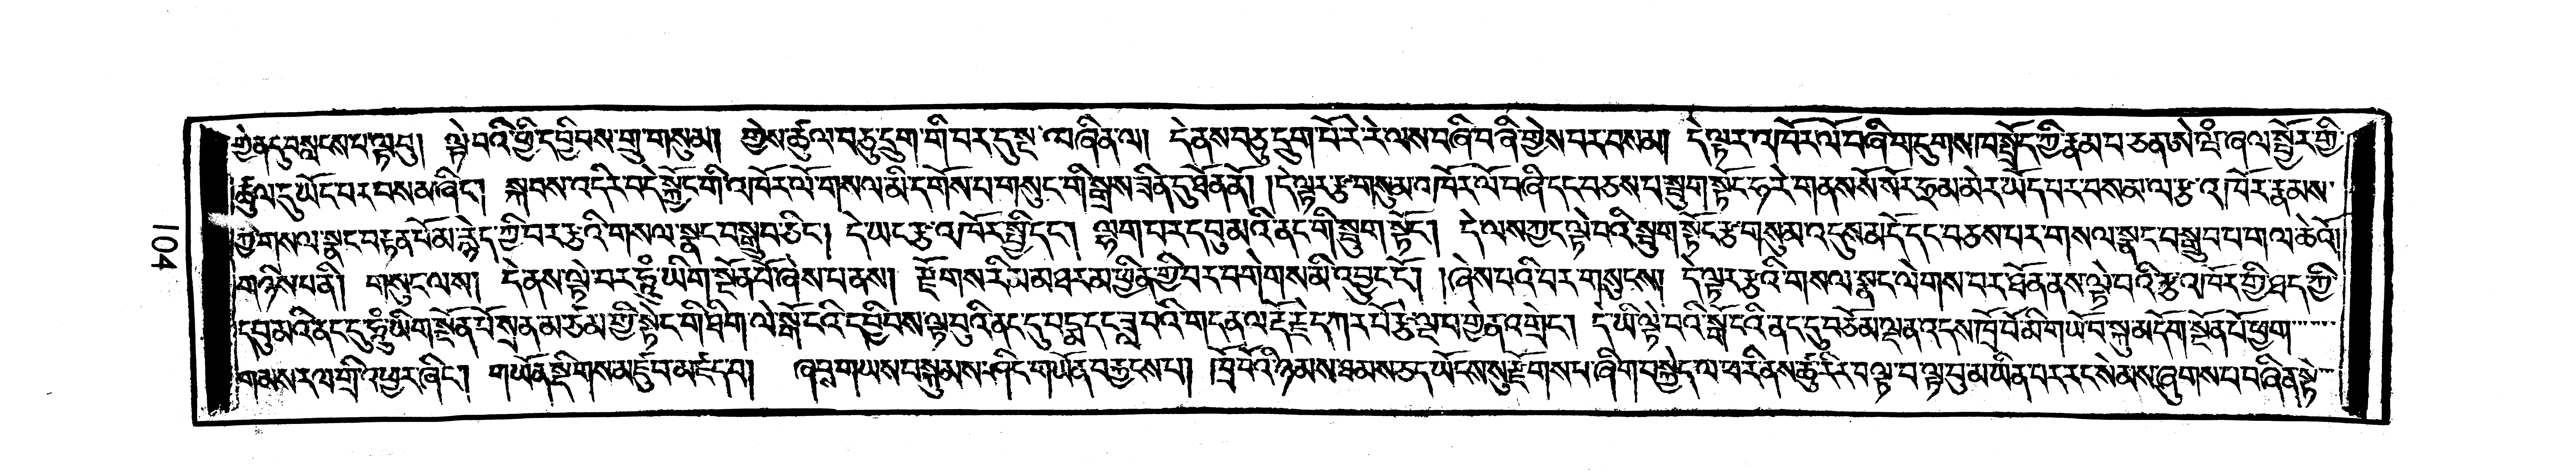གྱེན་དུ་བསླངས་པ་ལྟ་བུ། ལྟེ་བའི་ཕྱི་དབྱིབས་གྲུ་གསུམ། གྱེས་ཚུལ་བཅུ་དྲུག་གི་བར་དུ་སྔར་བཞིན་ལ། དེ་ནས་བཅུ་དྲུག་པོ་རེ་རེ་ལས་བཞི་བཞི་གྱེས་པར་བསམ། དེ་ལྟར་འཁོར་ལོ་བཞི་གདུགས་ཁ་སྤྲོད་ཀྱི་རྣམ་པ་ཅན་ཨེ་ཝཾ་ཞལ་སྦྱོང་གྱི་
ཚུལ་དུ་ཡོད་པར་བསམ་ཞིང་། སྐབས་འདིར་བདེ་སྐྱོང་གི་འཁོར་ལོ་གསལ་མི་དགོས་པ་གསུང་གི་སྒྲས་ཟིན་དུ་ཐོན་ནོ། །དེ་ལྟར་རྩ་གསུམ་འཁོར་ལོ་བཞི་དང་བཅས་པ་སྦུག་སྟོང་ཧ་རེ་གནས་སོ་སོར་ཧྲམ་མེར་ཡོད་པར་བསམས་ལ་རྩ་འཁོར་རྣམས་
ཀྱི་གསལ་སྣང་བརྟན་པོ་མ་རྙེད་ཀྱི་བར་རྩའི་གསལ་སྣང་བསྒྲུབ་ཅིང༑ དེ་ཡང་རྩ་འཁོར་སྤྱི་དང་། ལྷག་པར་དབུ་མའི་ནང་གི་སྦུག་སྟོང་། དེ་ལས་ཀྱང་ལྟེ་བའི་སྦུག་སྟོང་རྩ་གསུམ་འདུས་མདོ་དང་བཅས་པར་གསལ་སྣང་བསྒྲུབ་པ་གལ་ཆེའོ།
གཉིས་པ་ནི། གསུང་ལས། དེ་ནས་ལྟེ་བར་ཧཱུཾ་ཡིག་སྔོན་པོ་ཞེས་པ་ནས། རྫོགས་རིམ་མཐར་མ་ཕྱིན་གྱི་བར་བགེགས་མི་འབྱུང་ངོ། །ཞེས་པའི་བར་གསུངས། དེ་ལྟར་རྩའི་གསལ་སྣང་ལེགས་པར་ཐོན་ནས་ལྟེ་བའི་རྩ་འཁོར་གྱི་ཐད་ཀྱི་
དབུ་མའི་ནང་དུ་ཧཱུཾ་ཡིག་སྔོན་པོ་སྲན་མ་ཙམ་གྱི་སྟེང་གི་ཐིག་ལེ་སྒོ་ངའི་དབྱིབས་ལྟ་བུའི་ནང་དུ་པདམ་དང་ཟླ་བའི་གདན་ལ་རྡོ་རྗེ་དཀར་པོ་རྩེ་ལྔ་པར་གྱེན་འགྲེང་། དེ་ཡི་ལྟེ་བའི་སྒོ་ངའི་ནང་དུ་བཅོམ་ལྡན་འདས་ཁྲོ་བོ་མི་གཡོ་བ་སྐུ་མདོག་སྔོན་པོ་ཕྱག་
གཡས་རལ་གྲི་འཕྱར་ཞིང་། གཡོན་སྡིགས་མཛུབ་མཛད་པ། ཞབས་གཡས་བསྐུམས་ཤིང་གཡོན་བརྐྱངས་པ། ཁྲོ་བོའི་ཉམས་ཐམས་ཅད་ཡོངས་སུ་རྫོགས་པ་ཞིག་བསྐྱེད་ལ་ཕ་རི་ནས་ཚུར་རིར་ལྟ་བ་ལྟ་བུ་མ་ཡིན་པ་རང་སེམས་ཞུགས་པ་བཞིན་ཏེས་